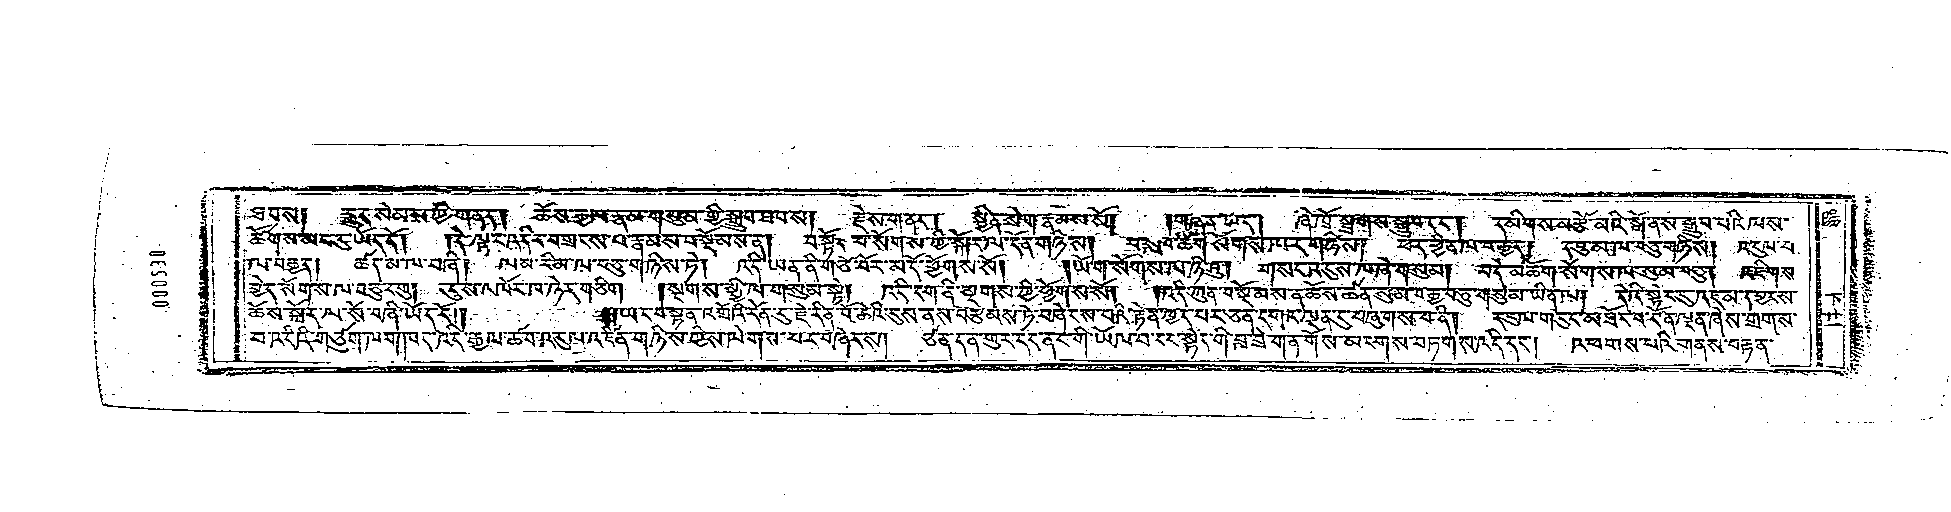ཐབས། རླུང་སེམས་ཀྱི་གནད། ཆོས་རྒྱལ་རྣམ་གསུམ་གྱི་སྒྲུབ་ཐབས། རྗེས་གནང་། སྦྱིན་སྲེག་རྣམས་སོ། །གཞན་ཡང་། ཞི་ཁྲོ་སྦྲགས་སྒྲུབ་དང་། དམིགས་མ་རྩོ་མའི་སྒོ་ནས་སྒྲུབ་པའི་ལས་
ཚོགས་མང་དུ་ཡོད་དོ། །དེ་ལྟར་འདིར་བགྲངས་པ་རྣམས་བསྡོམས་ན། བསྟོད་པ་སོགས་ཀྱི་སྐོད་ལ་དོན་གཉིས། བསླབ་ཚིག་སོགས་ལར་གཉིས། ཕར་ཕྱིན་ལ་བརྒྱད། དབུ་མ་ལ་བཅུ་གཉིས། འདུལ་བ་
ལ་བརྒྱད། ཚད་མ་ལ་བཞི། ལམ་རིམ་ལ་བཅུ་གཉིས་ཏེ། འདི་ཡན་ནི་གཙོ་བོར་མདོ་ཕྱོགས་སོ། །ཡོ་ག་སོགས་ལ་ཉི་ཤུ། གསང་འདུས་ལ་ཞེ་གསུམ། བདེ་མཆོག་སོགས་ལ་སུམ་བཅུ། འཇིགས་
བྱེད་སོགས་ལ་བཅུ་དགུ། དུས་འཁོར་ཁ་ཉེར་གཅིག །སྔགས་སྤྱི་ལ་གསུམ་སྟེ། འདི་དག་ནི་སྔགས་ཀྱི་ཕྱོགས་སོ། །འདི་ཀུན་བསྔོམས་ན་ཆོས་ཚན་སུམ་བརྒྱ་བཅུ་གསུམ་ཡིན་ལ། དེའི་སྟེང་དུ་འཇམ་དབྱངས་
ཆོས་སྒྲོད་ལ་སོ་བཞི་ཡོད་དོ།། །།ཡང་བསྟན་འགྲོའི་དོན་དུ་རྗེ་རིན་པོ་ཆེའི་དུས་ནས་བརྩམས་ཏེ་བཞེངས་པའི་རྟེན་ཁྱད་པར་ཅན་དགའ་ལྡན་དུ་བཞུགས་པ་ནི། དངུལ་གདུང་མཐོང་བ་དོན་ལྡན་ཞེས་གྲགས་
བ་འདིའི་གཙུག་ལག་ཁང་འདི་རྒྱལ་ཚབ་འདུལ་འཛིན་གཉིས་ཀྱིས་ལེགས་པར་བཞེངས། ཙན་དན་གུར་དང་ནང་གི་ཡོལ་བ་དང་སྟེང་གི་བླ་བྲེ་གན་གོས་མངགས་བཏགས་འདི་དང་། འཕགས་པའི་གནས་བརྟན་